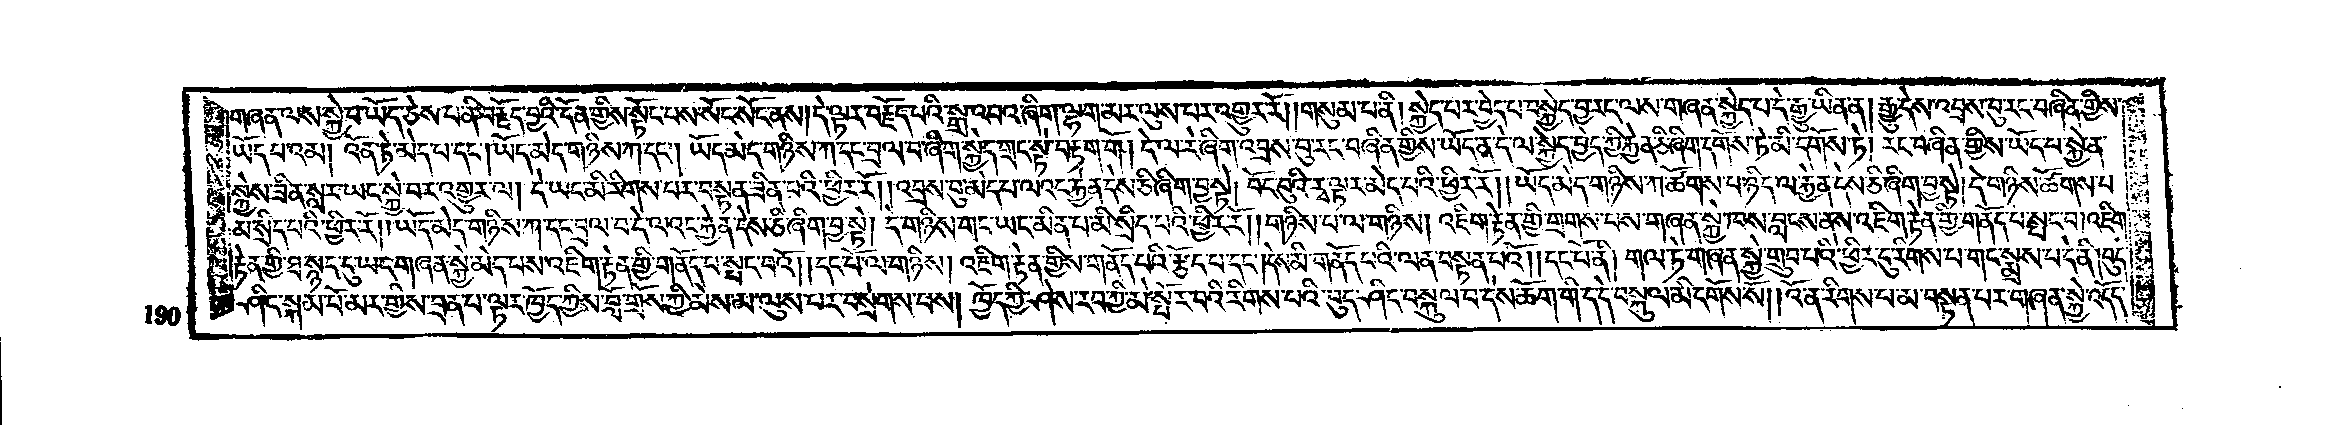གཞན་ལས་སྐྱེ་བ་ཡོད་ཅེས་པ་ནི་བརྗོད་བྱའི་དོན་གྱིས་སྟོང་པས་སོང་སོང་ནས། དེ་ལྟར་བརྗོད་པའི་སྒྲ་འབའ་ཞིག་ལྷག་མར་ལུས་པར་འགྱུར་རོ། །གསུམ་པ་ནི། སྐྱེད་པར་བྱེད་པ་བསྐྱེད་བྱ་རང་ལས་གཞན་སྐྱེད་པ་དེ་རྒྱུ་ཡིན་ན། རྒྱུ་དེས་འབྲས་བུ་རང་བཞིན་གྱིས་
ཡོད་པའམ། འོན་ཏེ་མེད་པ་དང་། ཡོད་མེད་གཉིས་ཀ་དང་། ཡོད་མེད་གཉིས་ཀ་དང་བྲལ་བ་ཞིག་སྐྱེད་གྲང་སྟེ་བརྟག་གོ །དེ་ལ་རེ་ཞིག་འབྲས་བུ་རང་བཞིན་གྱིས་ཡོད་ན་དེ་ལ་སྐྱེད་བྱེད་ཀྱི་རྐྱེན་ཅི་ཞིག་དགོས་ཏེ་མི་དགོས་ཏེ། རང་བཞིན་གྱིས་ཡོད་པ་སྐྱེ་ན་
སྐྱེས་ཟིན་སླར་ཡང་སྐྱེ་བར་འགྱུར་ལ། དེ་ཡང་མི་རིགས་པར་བསྟན་ཟིན་པའི་ཕྱིར་རོ། །འབྲས་བུ་མེད་པ་ལའང་རྐྱེན་དེས་ཅི་ཞིག་བྱ་སྟེ། བོང་བུའི་རྭ་ལྟར་མེད་པའི་ཕྱིར་རོ། །ཡོད་མེད་གཉིས་ཀ་ཚོགས་པ་ཉིད་ལ་རྐྱེན་དེས་ཅི་ཞིག་བྱ་སྟེ། དེ་གཉིས་ཚོགས་པ་
མི་སྲིད་པའི་ཕྱིར་རོ། །ཡོད་མེད་གཉིས་ཀ་དང་བྲལ་བ་དེ་ལའང་རྐྱེན་དེས་ཅི་ཞིག་བྱ་སྟེ། དེ་གཉིས་གང་ཡང་མིན་པ་མི་སྲིད་པའི་ཕྱིར་རོ། །གཉིས་པ་ལ་གཉིས། འཇིག་རྟེན་གྱི་གྲགས་པས་གཞན་སྐྱེ་ཁས་བླངས་ནས་འཇིག་རྟེན་གྱི་གནོད་པ་སྤང་བ། འཇིག་
རྟེན་གྱི་ཐ་སྙད་དུ་ཡང་གཞན་སྐྱེ་མེད་པས་འཇིག་རྟེན་གྱི་གནོད་པ་སྤང་བའོ། །དང་པོ་ལ་གཉིས། འཇིག་རྟེན་གྱིས་གནོད་པའི་རྩོད་པ་དང་། དེས་མི་གནོད་པའི་ལན་བསྟན་པའོ། །དང་པོ་ནི། གལ་ཏེ་གཞན་སྐྱེ་གྲུབ་པའི་ཕྱིར་དུ་རིགས་པ་གང་སྨྲས་པ་དེ་ནི། བུད་
ཤིང་སྐམ་པོ་མར་གྱིས་བྲན་པ་ལྟར་ཁྱོད་ཀྱིས་བློ་གྲོས་ཀྱི་མེས་མ་ལུས་པར་བསྲེགས་པས། ཁྱོད་ཀྱི་ཤེས་རབ་ཀྱི་མེ་སྦོར་བའི་རིགས་པའི་བུད་ཤིང་བསྐུལ་བ་དེས་ཆོག་གི་ད་དེ་བསྐུལ་མི་དགོས་སོ། །འོ་ན་རིགས་པ་མ་བསྟན་པར་གཞན་སྐྱེ་འདོད་